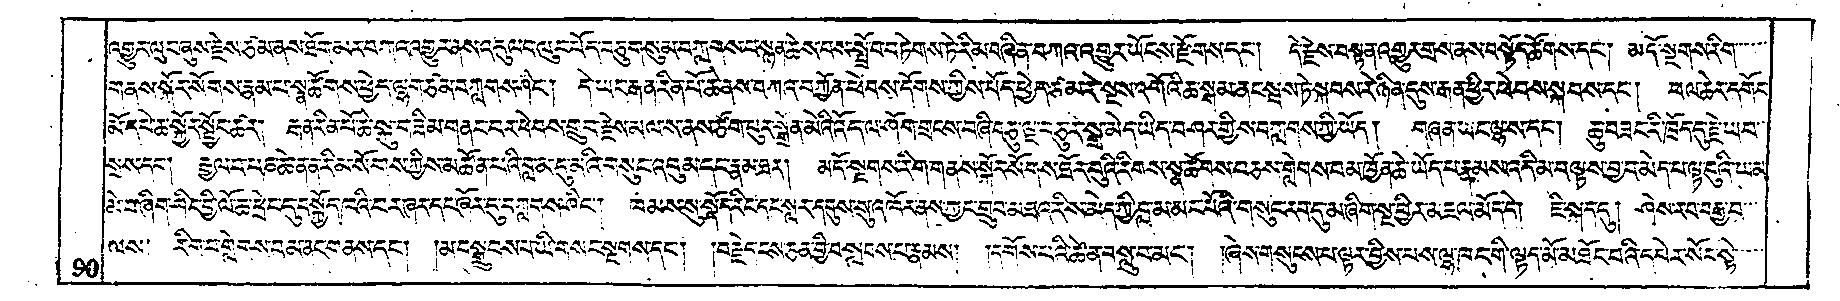འགྱུར་ལུང་ཞུས་རྗེས་ཙམ་ནས་ཐོག་མར་བཀའ་འགྱུར་ནས་འདུལ་བ་ལུང་པོད་བཅུ་གསུམ་བཀླགས་པ་སྙན་ཆེས་པས་སྤྲོ་བ་བཏེགས་ཏེ་རིམ་བཞིན་བཀའ་འགྱུར་ཡོངས་རྫོགས་དང་། དེ་རྗེས་བསྟན་འགྱུར་གྲས་ནས་བསྟོད་ཚོགས་དང་། མདོ་སྔགས་རིག་
གནས་སྐོར་སོགས་རྣམ་པ་སྣ་ཚོགས་ཕྱེད་ལྷག་ཙམ་བཀླགས་ཤིང་། དེ་ཡང་རྒན་རིན་པོ་ཆེ་ནས་བཀའ་བཀྱོན་ཕེབས་དོགས་ཀྱིས་པོད་ཕྱེད་ཙམ་རེ་སྔས་འགོའི་ཆ་སྒམ་ནང་སྦས་ཏེ་སྐབས་རེ་ཉིན་དུས་རྒན་ཕྱིར་ཕེབས་སྐབས་དང་། ཕལ་ཆེར་དགོང་
མོ་དཔེ་ཆ་སྐྱོར་སྦྱོང་ཚར། རྒན་རིན་པོ་ཆེ་སྐུ་གཟིམ་གནང་བར་ཕེབས་གྲུབ་རྗེས་མལ་ས་ནས་ཙོག་པུར་སྒྲོན་མེའི་འོད་ལ་ཤོག་གྲངས་བཞི་བཅུ་ལྔ་བཅུ་རེ་སྒྲ་མེད་ཡིད་བཤར་གྱིས་བཀླགས་གྱི་ཡོད། གཞན་ཡང་ལྷ་ས་དང་། ཆུ་བཟང་རི་ཁྲོད་དུ་རྗེ་ཡབ་
སྲས་དང་། རྒྱལ་བ་པཎ་ཆེན་ན་རིམ་སོགས་ཀྱིས་མཚོན་པའི་བླ་མ་དུ་མའི་གསུང་འབུམ་དང་རྣམ་ཐར། མདོ་སྔགས་རིག་གནས་སྐོར་སོགས་ཐོར་བུའི་རིགས་སྣ་ཚོགས་བཅས་གླེགས་བམ་ཁྱོན་ཆེ་ཡོད་པ་རྣམས་འདི་མ་བལྟས་བྱ་བ་མེད་པ་ལྟ་བུའི་ཡམ་
མེ་བ་ཞིག་ཤིང་བྱི་ལོ་ཆ་ཕྲེང་དུ་བསྐྱོད་ཁའི་བར་ཞར་དང་ཞོར་དུ་བཀླགས་ཤིང་། ཁམས་སུ་སྡོད་རིང་དང་སླར་དབུས་སུ་འཁོར་ནས་ཀྱང་གྲུབ་མཐའ་རིས་མེད་ཀྱི་བླ་མ་མང་པོའི་གསུང་རབ་དུ་མ་ཞིག་སྔ་ཕྱིར་མཇལ་མོད་དེ། ཇི་སྐད་དུ། ཤེས་རབ་བརྒྱ་བ་
ལས། རིག་པ་གླེགས་བམ་ནང་གནས་དང་། །མ་བསྒྲུབས་པ་ཡི་གསང་སྔགས་དང་། །བརྗེད་ངས་ཅན་གྱི་བསླབས་པ་རྣམས། །དགོས་པའི་ཚེ་ན་བསླུ་བ་མང་། །ཞེས་གསུངས་པ་ལྟར་བྱིས་པས་ལྷ་ཁང་གི་ལྟད་མོ་མཐོང་བའི་དཔེར་སོང་སྟེ་